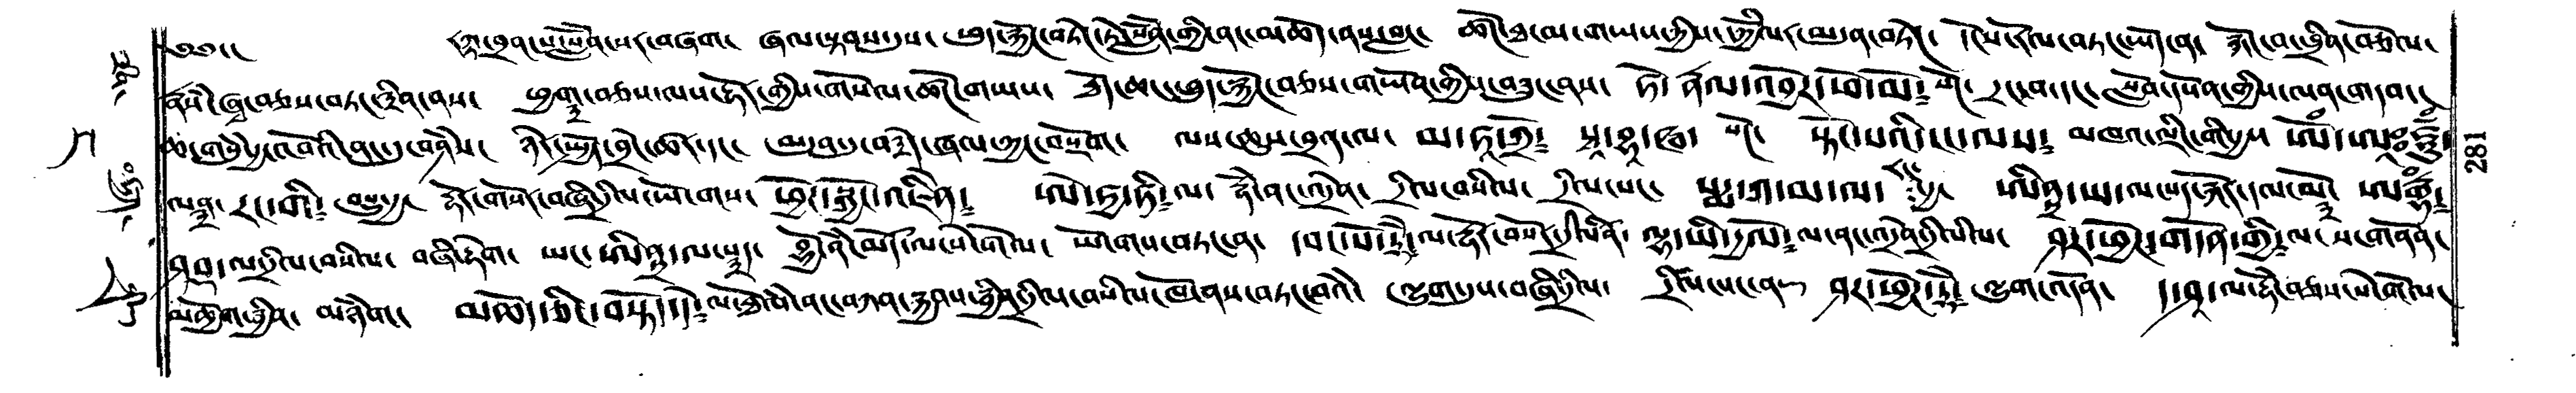རཀྟ་བྲན་པ་སློབ་དཔོན་སར་གཞག ཞལ་སྟབས་དུས་ཕུད་སྐྱོགས་བཏེགས་ཏེ་སློབ་དཔོན་གྱི་ནང་མཆོད་ནས་བླང་། ཚོགས་ཐ་མ་གཡས་ཀྱིས་དཀྱིལ་འཁོར་མདུན་བཏེགས། དངོས་རོལ་བཏང་ཡོད་ན། སྐོང་བ་ཕྲིན་བཅོལ་
རྣམས་ཞྭ་བཅས་བཏང་ཟིན་ནས། ཕྱག་བཅས་ལས་རྡོར་གྱིས་གསོལ་ཚོགས་གཡས། ཐོད་ཆང་ཕུད་སྐྱོགས་བཅས་གཡོན་གྱིས་བཟུང་ནས། ཧོ། རྣལ་འབྱོར་ཕོ་མོ༴ སོགས། དྲངས་བ་དང་། སློབ་དཔོན་གྱིས་ལན་གདབ། 
ཆ་གསུམ་བཤམ། ཉེར་སྤྱོད་ཕྲེང་ཚར་དང་།མདུན་དུ་བཟེད་ཞལ་ཀྱང་བསྡོག ལས་ཆུས་བྲན་ལ། མ་ཧཱ་ཀྲོ༴ སྭ་བྷཱ་ཝ༴ སོགས། སྟོང་པའི་ངང་ལས༴ མཁའ་ལྡིང་གི་རྒྱ། ཨོཾ་ཨཱཿཧཱུྃ། 
ལན་གསུམ། རང་གི༴ བསྡུ་རྒྱ། རྡོར་གསོར་བཞི་དྲིལ་ཡོ་གས། ཕྱོགས་སྐྱོང་འཇིག་རྟེན༴ ཨེ་ཧྱ་ཧི༴ ལ་རྡོ་རྗེ་ནང་འདྲེན། དྲིལ་བསིལ། དྲིལ་སང་། པདྨ་ཀ་མ་ལ༴ རང་རྒྱ། ཨིནྟྲ་ཡ་ལ་པད་སྐོར་དལ་མོ་གསུམ། ཨརྒྷཾ༴ 
ཤབྡ་ལ་དྲིལ་བསིལ། བཞི་རྡེག ཡང་། ཨིནྟྲ་ལ་པད་གསུམ། བྷྱོ་ནམ་མཛོད་ལ་སེ་གོལ། ཡོ་གས་བཏང་ན། དབང་པོ་རྡོ་རྗེ༴ ལ་རྡོར་གསོར། དྲིལ་འཛིན། ལྷ་ཡི་རྒྱལ་པོ༴ ལ་ནང་འདྲེན་དྲིལ་བསིལ ། ཤར་ཕྱོགས་གདོན་གྱི༴ ལ་ས་གནོན་
མཆོག་སྦྱིན། མཉམ་གཞག མཆོད་ཅིང་བསྟོད་དེ༴ ལ་ཐལ་མོ་ནང་བཀན་སྐྱབས་སྦྱིན་དྲིལ་བསིལ་ཁོ་ནས་གཏོང་བའམ། ལྷུག་དུས་བཞི་དྲིལ། དྲིལ་སང་ནས། ཤར་ཕྱོགས་རྡོ་རྗེ༴ ལྷུག་འདོན། ད་ཤཱ༴ ལ་རྡོ་རྗེ་བཅས་སེ་གོལ།